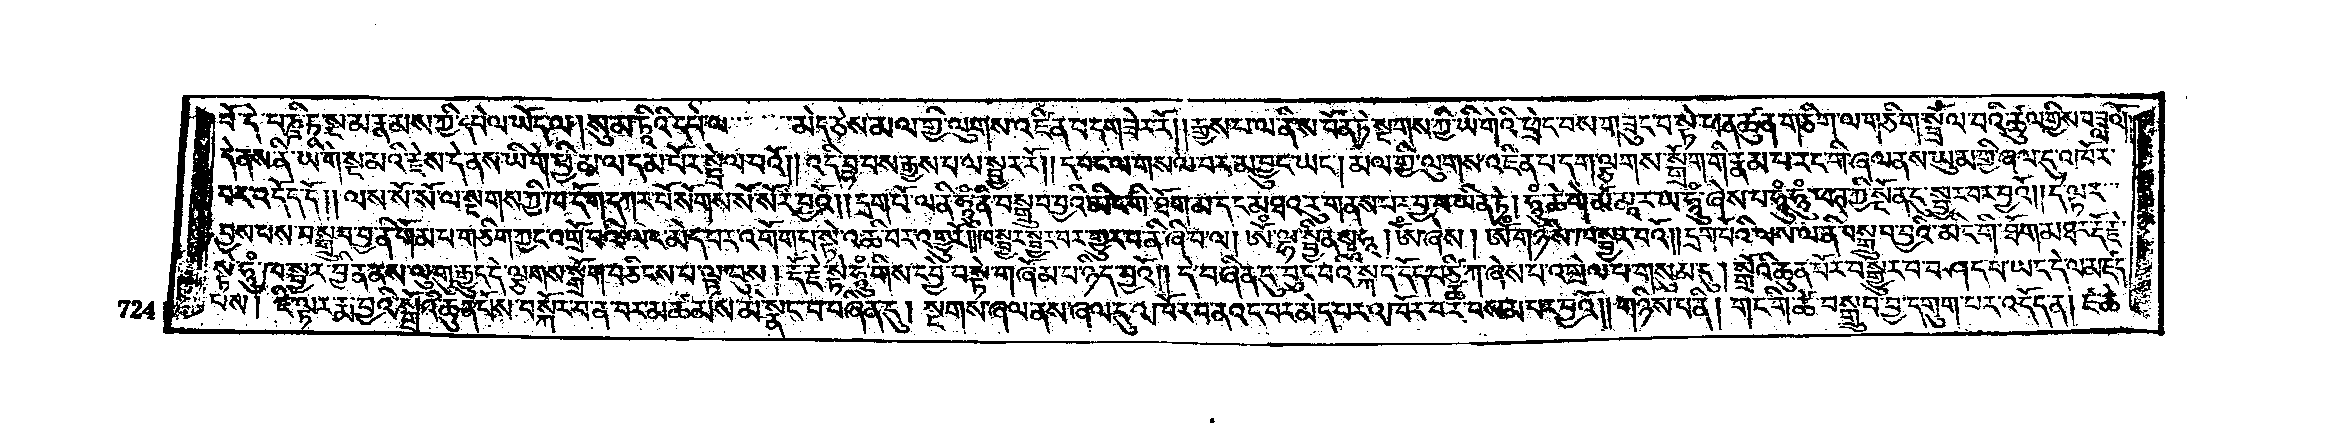བོ་དེ་པཎྜི་ཏ་སྔ་མ་རྣམས་ཀྱི་དཔེ་ལ་ཡོད་ལ། སུ་མ་ཏཱིའི་དཔེ་ལ་མེད་ཅེས་མལ་གྱི་ལུགས་འཛིན་པ་དག་ཟེར་རོ། །རྒྱས་པ་ལ་ནི་ས་བོན་ཏེ་སྔགས་ཀྱི་ཡི་གེའི་ཕྲེང་བས་གཟུང་བ་སྟེ་ཕན་ཚུན་གཅིག་ལ་གཅིག་སྦྲེལ་བའི་ཚུལ་གྱིས་བཟླའོ། །
དེ་ནས་ནི་ཡི་གེ་སྔ་མའི་རྗེས་དེ་ནས་ཡི་གེ་ཕྱི་མ་ལ་དམ་པོར་སྤྲེལ་བའོ། །འདི་བྷ་བས་རྒྱས་པ་ལ་སྦྱར་རོ། །དབང་ལ་གསལ་བར་མ་བྱུང་ཡང་། མལ་གྱི་ལུགས་འཛིན་པ་དག་ལྕགས་སྒྲོག་གི་རྣམ་པ་རང་གི་ཞལ་ནས་ཡུམ་གྱི་ཞལ་དུ་འཁོར་
བར་འདོད་དོ། །ལས་སོ་སོ་ལ་སྔགས་ཀྱི་ཁ་དོག་དཀར་པོ་སོགས་སོ་སོར་བྱའོ། །དྲག་པོ་ལ་ནི་ཧཱུཾ་ནི་བསྒྲུབ་བྱའི་མིང་གི་ཐོག་མ་དང་མཐའ་རུ་གནས་པར་བྱ་བ་ཡིན་ཏེ། ཧཱུཾ་ཆེ་གེ་མོ་མཱ་ར་ཡ་ཧཱུཾ་ཞེས་པ་ཧཱུཾ་ཧཱུཾ་ཕཊ་ཀྱི་སྔོན་དུ་སྦྱར་བར་བྱའོ། །དེ་ལྟར་
བྱས་པས་བསྒྲུབ་བྱ་ནི་གོམ་པ་གཅིག་ཀྱང་འགྲོ་བའི་ལོང་མེད་པར་འགོག་པ་སྟེ་འཆི་བར་འགྱུར་རོ། །ཁ་སྦྱར་སྦྱར་བར་གྱུར་པ་ནི་ཞི་བ་ལ། ཨོཾ་ལྷ་སྦྱིན་སྭཱཧཱ། ཨོཾ་ཞེས། ཨོཾ་གཉིས་ཁ་སྦྱར་བའོ། །དྲག་པོའི་ལས་ལ་ནི་བསྒྲུབ་བྱའི་མིང་གི་ཐོག་མཐར་རྡོ་རྗེ་
སྟེ་ཧཱུཾ་ཁ་སྦྱར་བྱིན་ནས་ལུ་གུ་རྒྱུད་དེ་ལྕགས་སྒྲོག་བཅིངས་པ་ལྟ་བུས། རྡོ་རྗེ་སྟེ་ཧཱུཾ་གིས་དབྱེ་བ་སྟེ་གཞོམ་པ་ཉིད་བྱའོ། །དེ་བཞིན་དུ་བུང་བའི་སྐད་དོད་པཙྪི་ཀ་ཞེས་པ་འགྲེལ་པ་གསུམ་དུ། སྒྲོའི་ཆུན་པོར་བསྒྱུར་བ་བཤད་པ་ཡང་དེ་ལ་མཛད་
པས། ཇི་ལྟར་རྨ་བྱའི་སྒྲོའི་ཆུན་པོས་བསྐོར་བ་ན་བར་མཚམས་མི་སྣང་བ་བཞིན་དུ། སྔགས་ཞལ་ནས་ཞལ་དུ་འཁོར་བ་ནའང་བར་མེད་པར་འཁོར་བར་བསམ་པར་བྱའོ། །གཉིས་པ་ནི། གང་གི་ཚེ་བསྒྲུབ་བྱ་དགུག་པར་འདོད་ན། ཛ་ཆེ་